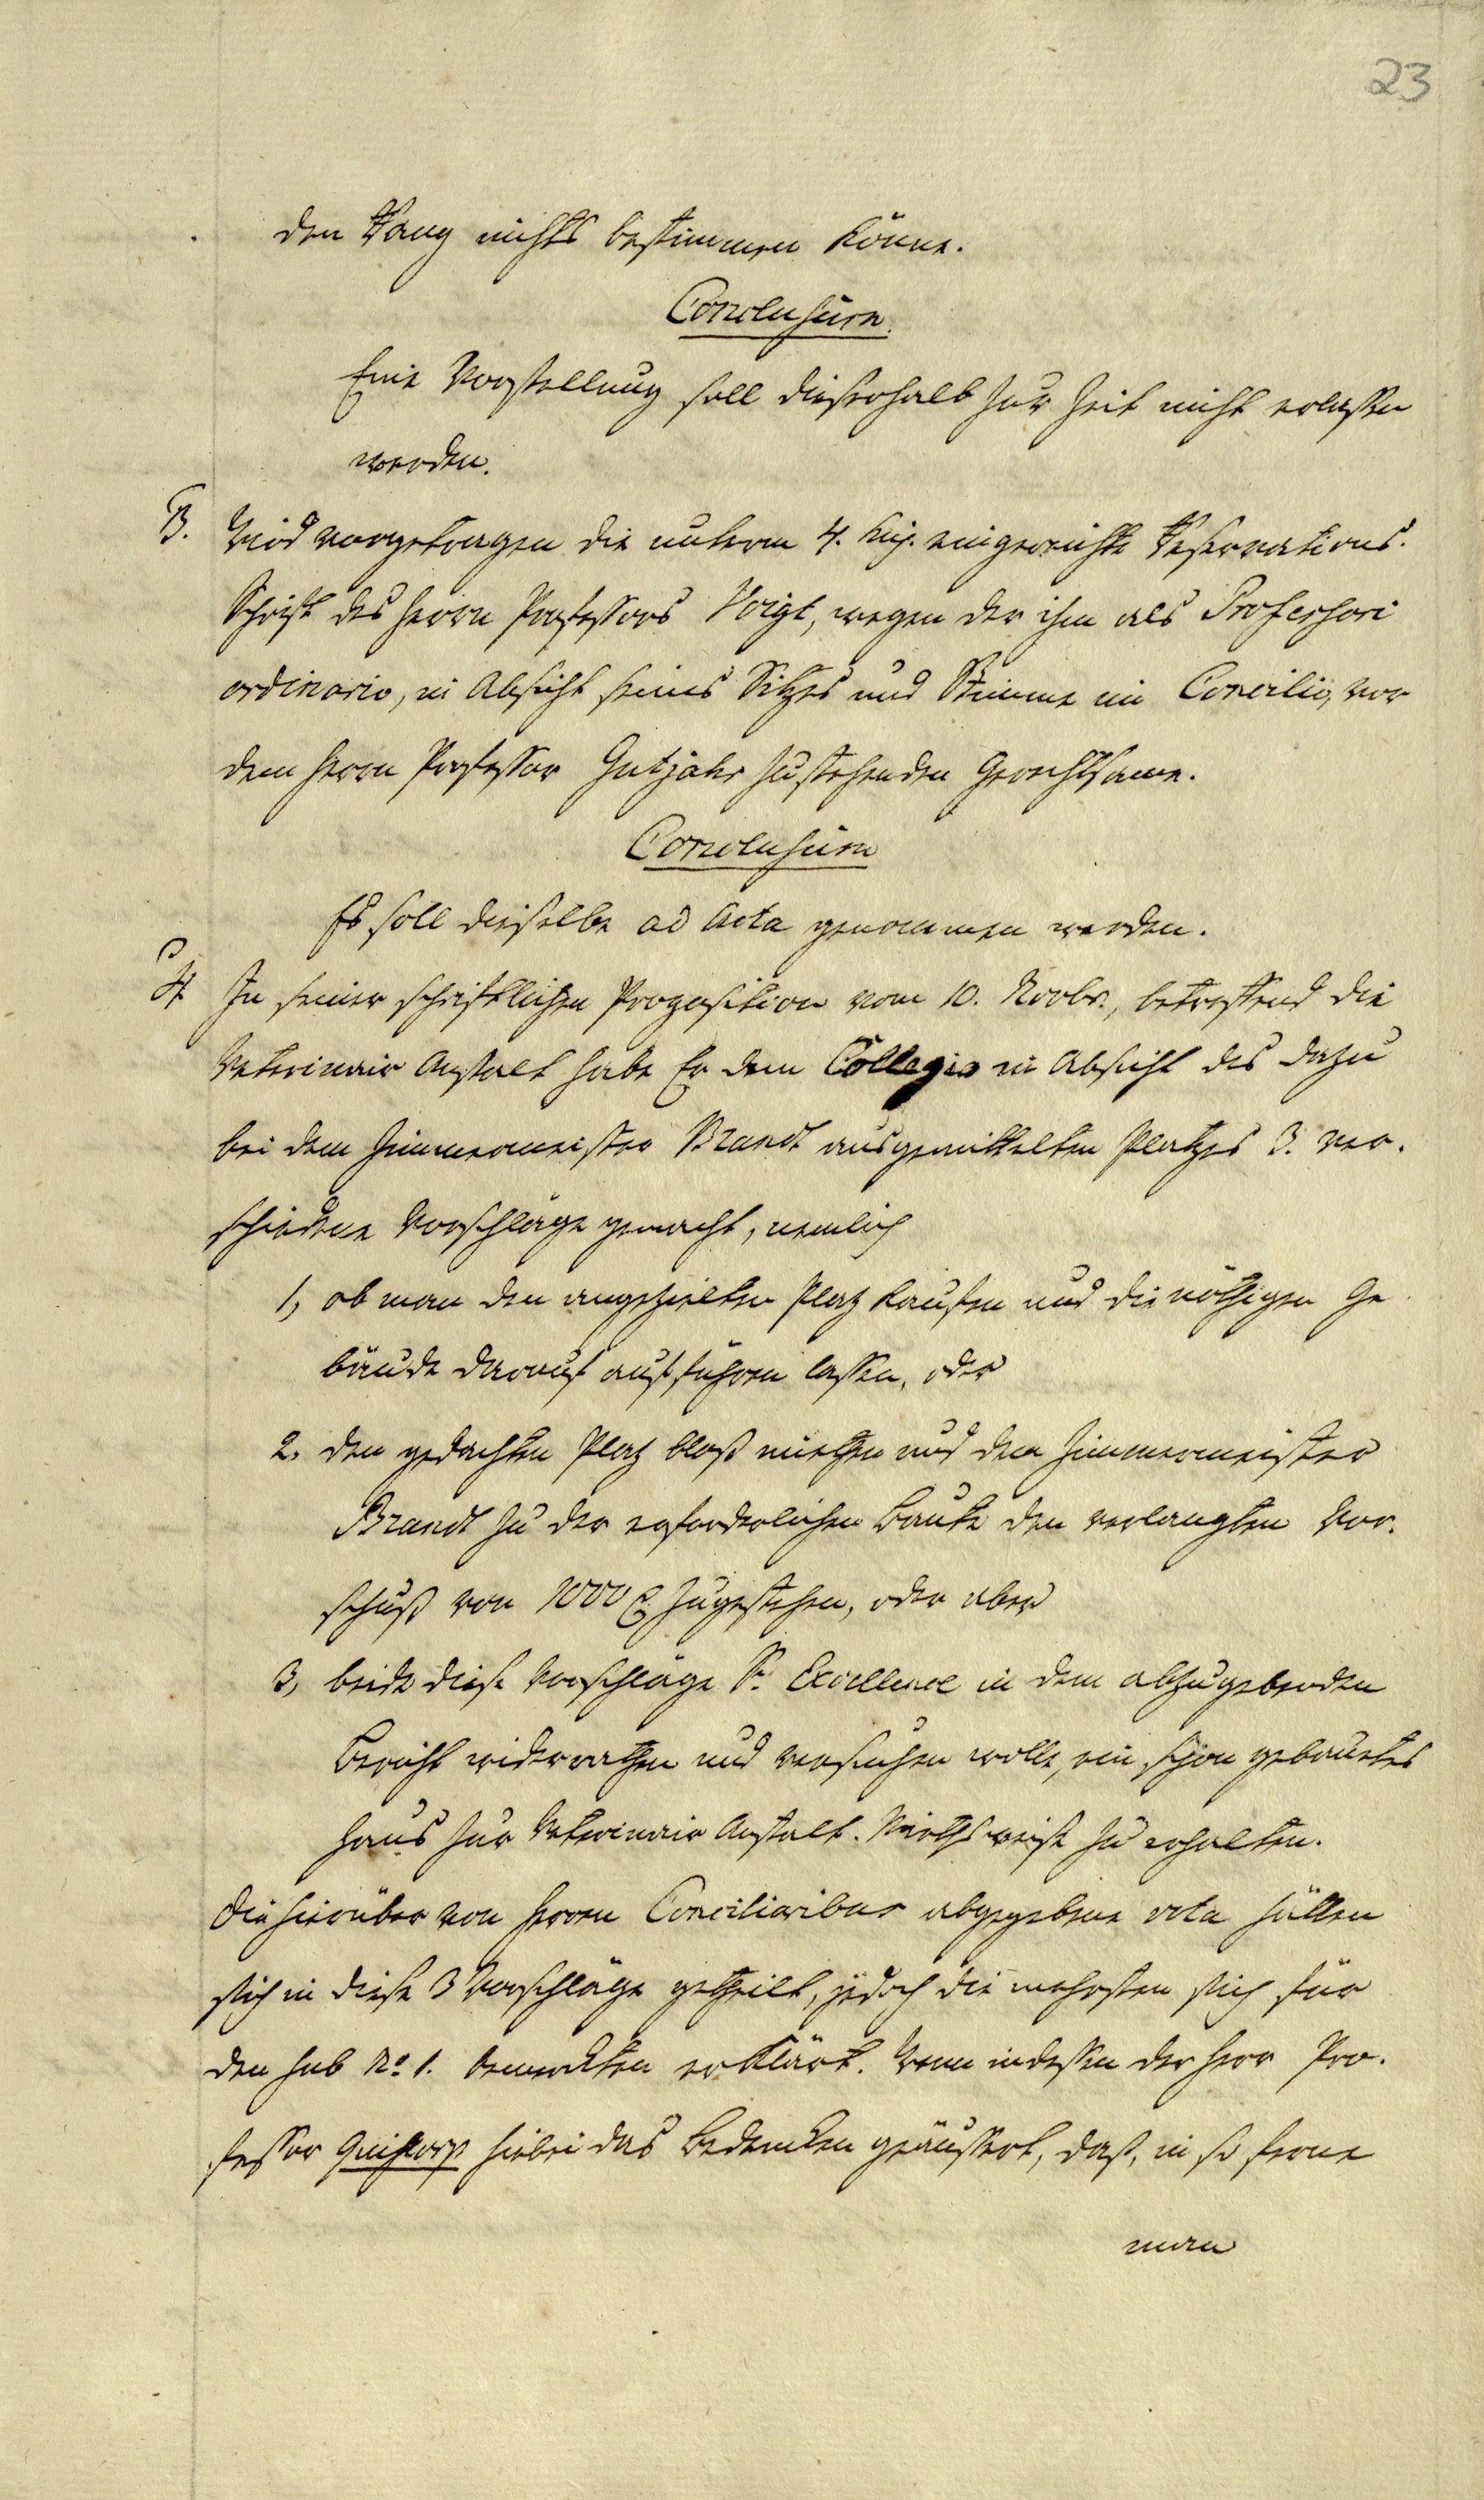den Rang nichts bestimmen könne.
Conclusum
Eine Vorstellung soll dieserhalb zur Zeit nicht erlassen
werden.
3. Wird vorgetragen die unterm 4. huj. eingereichte Reservations¬
Schrift des Herrn Professors Voigt, wegen der ihm als Professori
ordinario, in Absicht seines Sitzes und Stimme im Concilii, vor
dem Herrn Professor Gutjahr zustehenden Gerechtsame.
Conclusum
Es soll dieselbe ad Acta genommen werden.
4. In seiner schriftlichen Proposition vom 10. Novbr., betreffend die
Veterinair Anstalt habe Er dem Collegio in Absicht des dazu
bei dem Zimmermeister Brandt ausgemittelten Platzes 3. ver¬
schiedene Vorschläge gemacht, nemlich
1, ob man den angezielten Platz kaufen und die nöthigen Ge¬
bäude darauf aufführen lassen, oder
2. den gedachten Platz bloß miethen und dem Zimmermeister
Brandt zu der erforderlichen Baute den verlangten Vor¬
schuß von 1000 l. zugestehen, oder aber
3, beide diese Vorschläge Sr Excellence in dem abzugebenden
Bericht widerrathen und versuchen wolle, ein schon gebauetes
Haus zur Veterinair Anstalt. Miethsweise zu erhalten.
Die hierüber von Herren Conciliaribus abgegebene vota hätten
sich in diese 3 Vorschläge getheilt, jedoch die mehrsten sich für
den sub No 1. bemerckten erklärt. Wenn indessen der Herr Pro¬
fessor Quistorp hiebei das Bedencken geäussert, daß, in so ferne
man